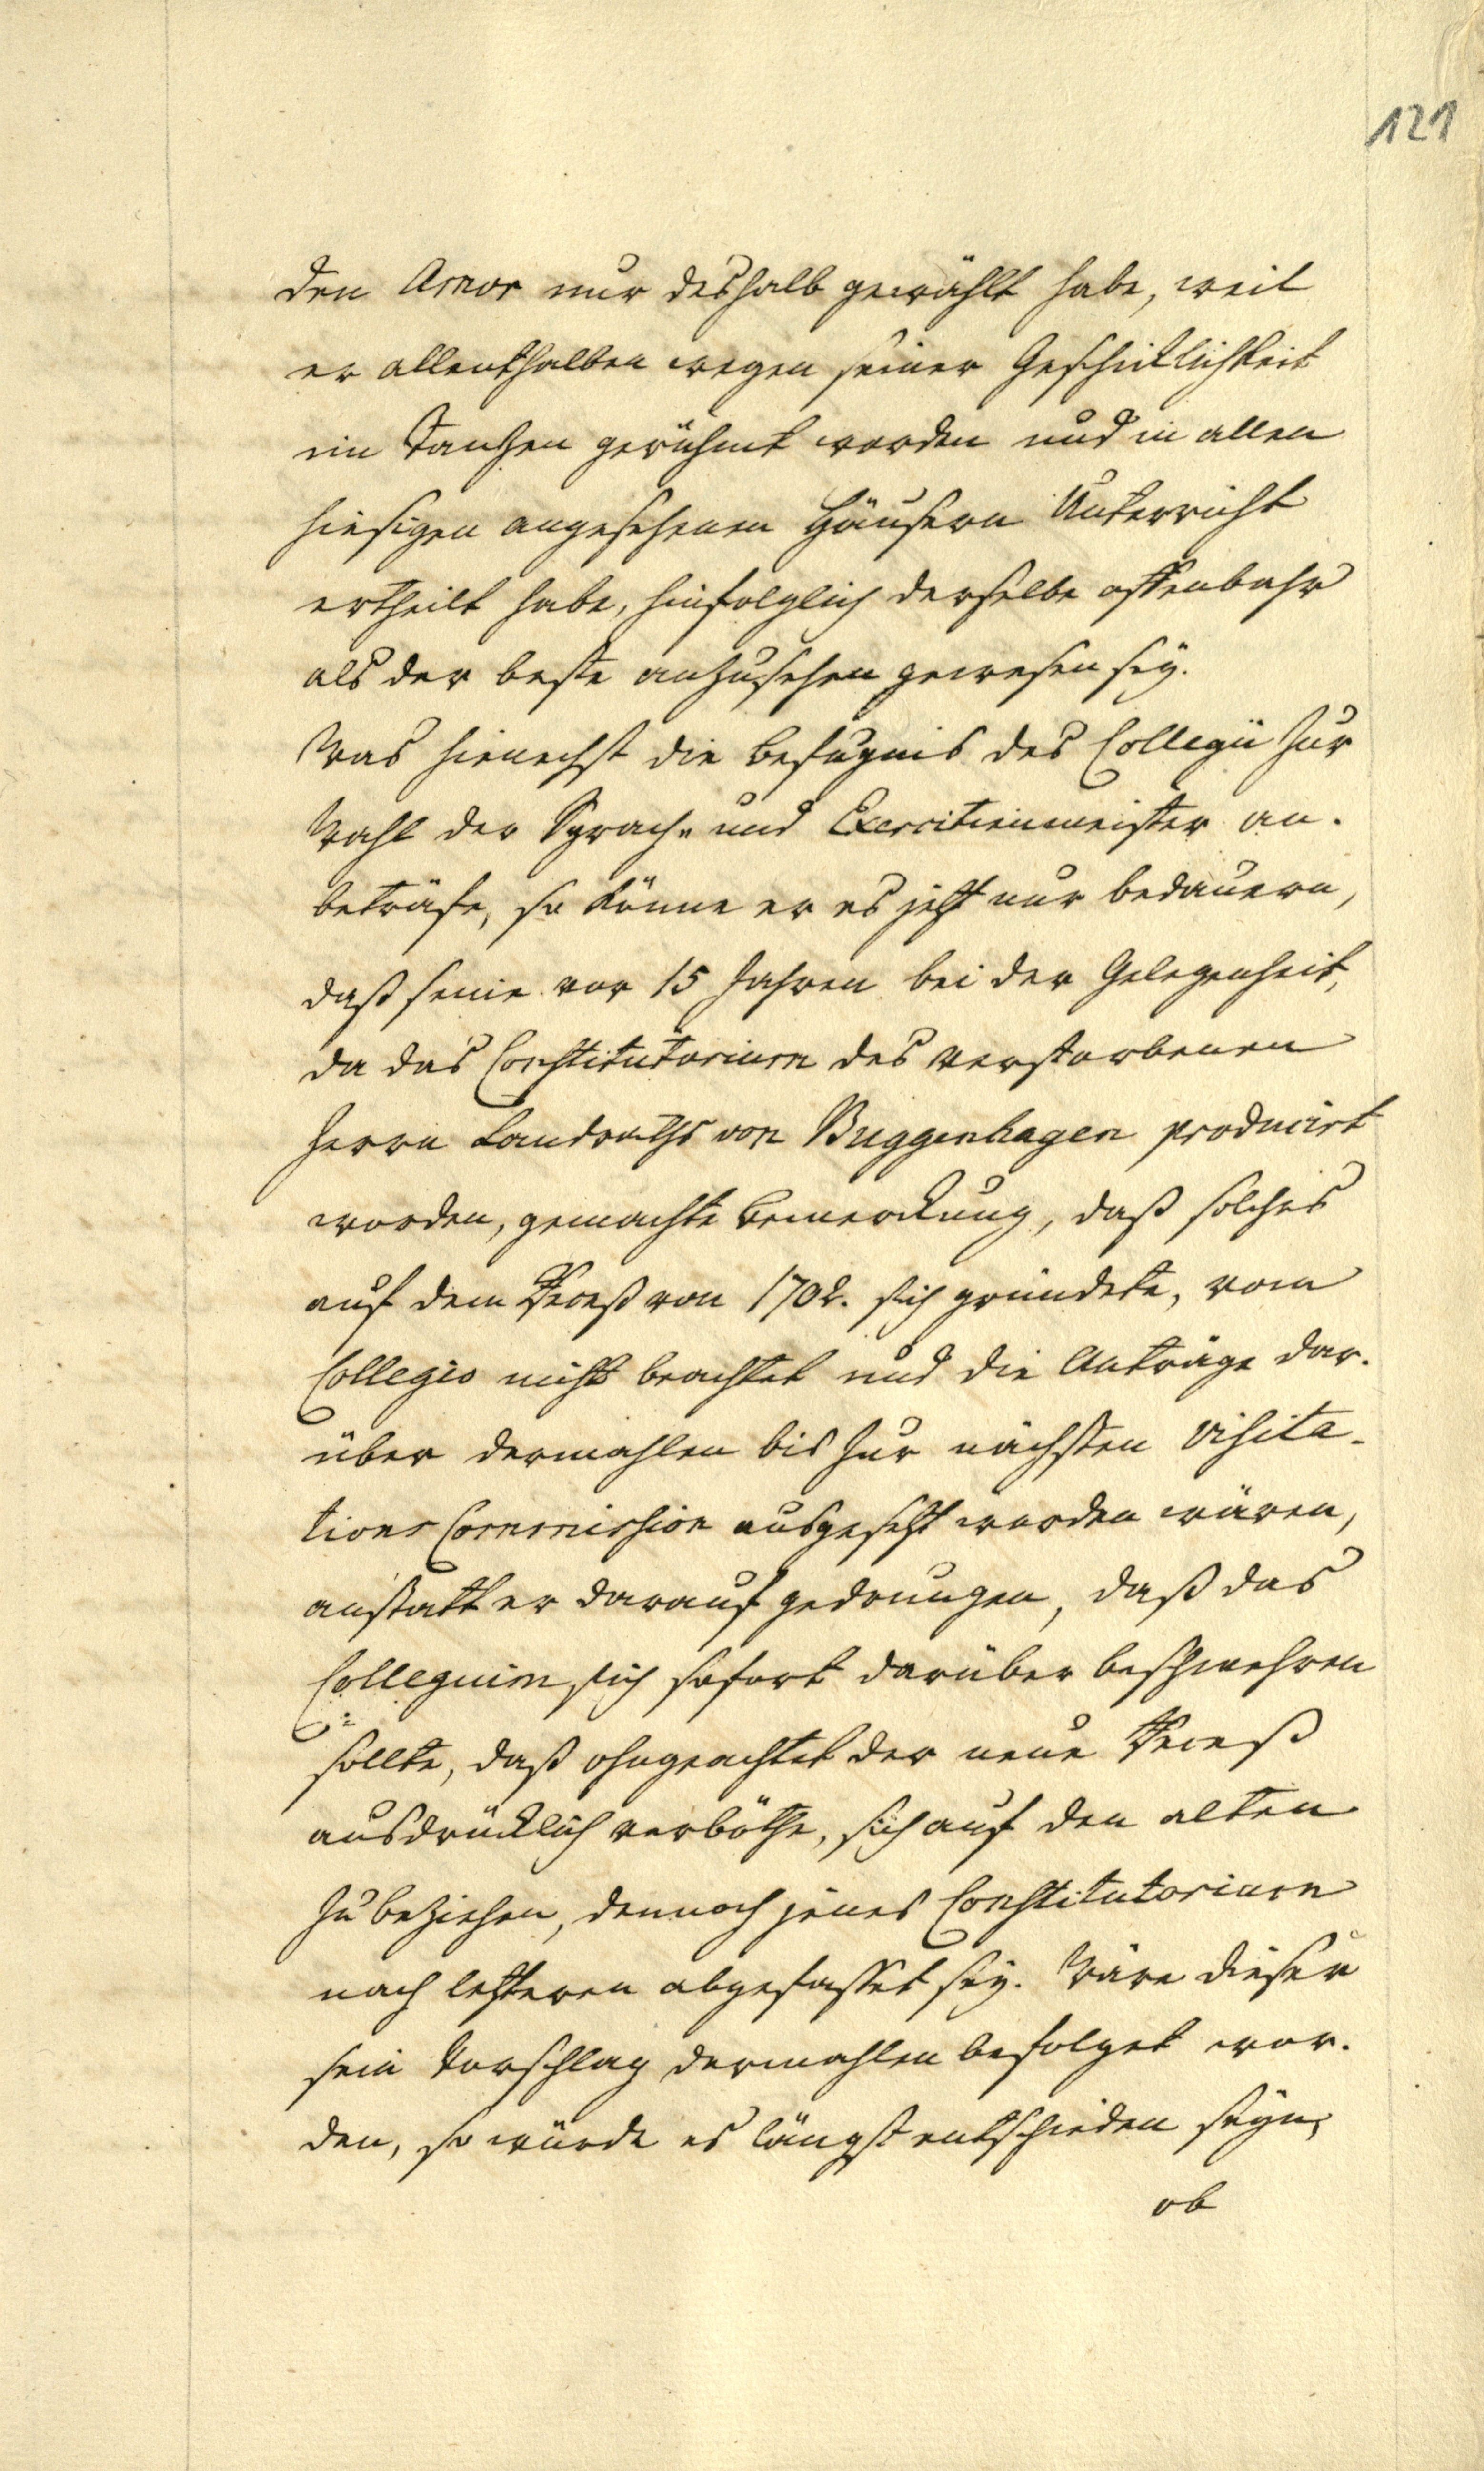den Amor nur deshalb gewählt habe, weil
er allenthalben wegen seiner Geschicklichkeit
im Tanzen gerühmt worden und in allen
hiesigen angesehenen Häusern Unterricht
ertheilt habe, hinfolglich derselbe offenbahr
als der beste anzusehen gewesen seÿ.
Was hienechst die Befugnis des Collegii zur
Wahl der Sprach- und Exercitienmeister an¬
beträfe, so könne er es jetzt nur bedauern,
daß seine vor 15 Jahren bei der Gelegenheit,
da das Constitutorium des verstorbenen
Herrn Landraths von Buggenbagen producirt
worden, gemachte Bemerckung, daß solches
auf dem Receß von 1702. sich gründete, vom
Collegio nicht beachtet und die Anträge dar¬
über dermahlen bis zur nächsten Visita¬
tions Commission ausgesetzt worden wären,
anstatt er darauf gedrungen, daß das
Collegium sich sofort darüber beschwehren
sollte, daß ohngeachtet der neue Receß
ausdrücklich verböthe, sich auf den alten
zu beziehen, dennoch jenes Constitutorium
nach letzteren abgefasset seÿ. Wäre dieser
sein Vorschlag dermahlen befolget wor¬
den, so würde es längst entschieden seÿn,
ob